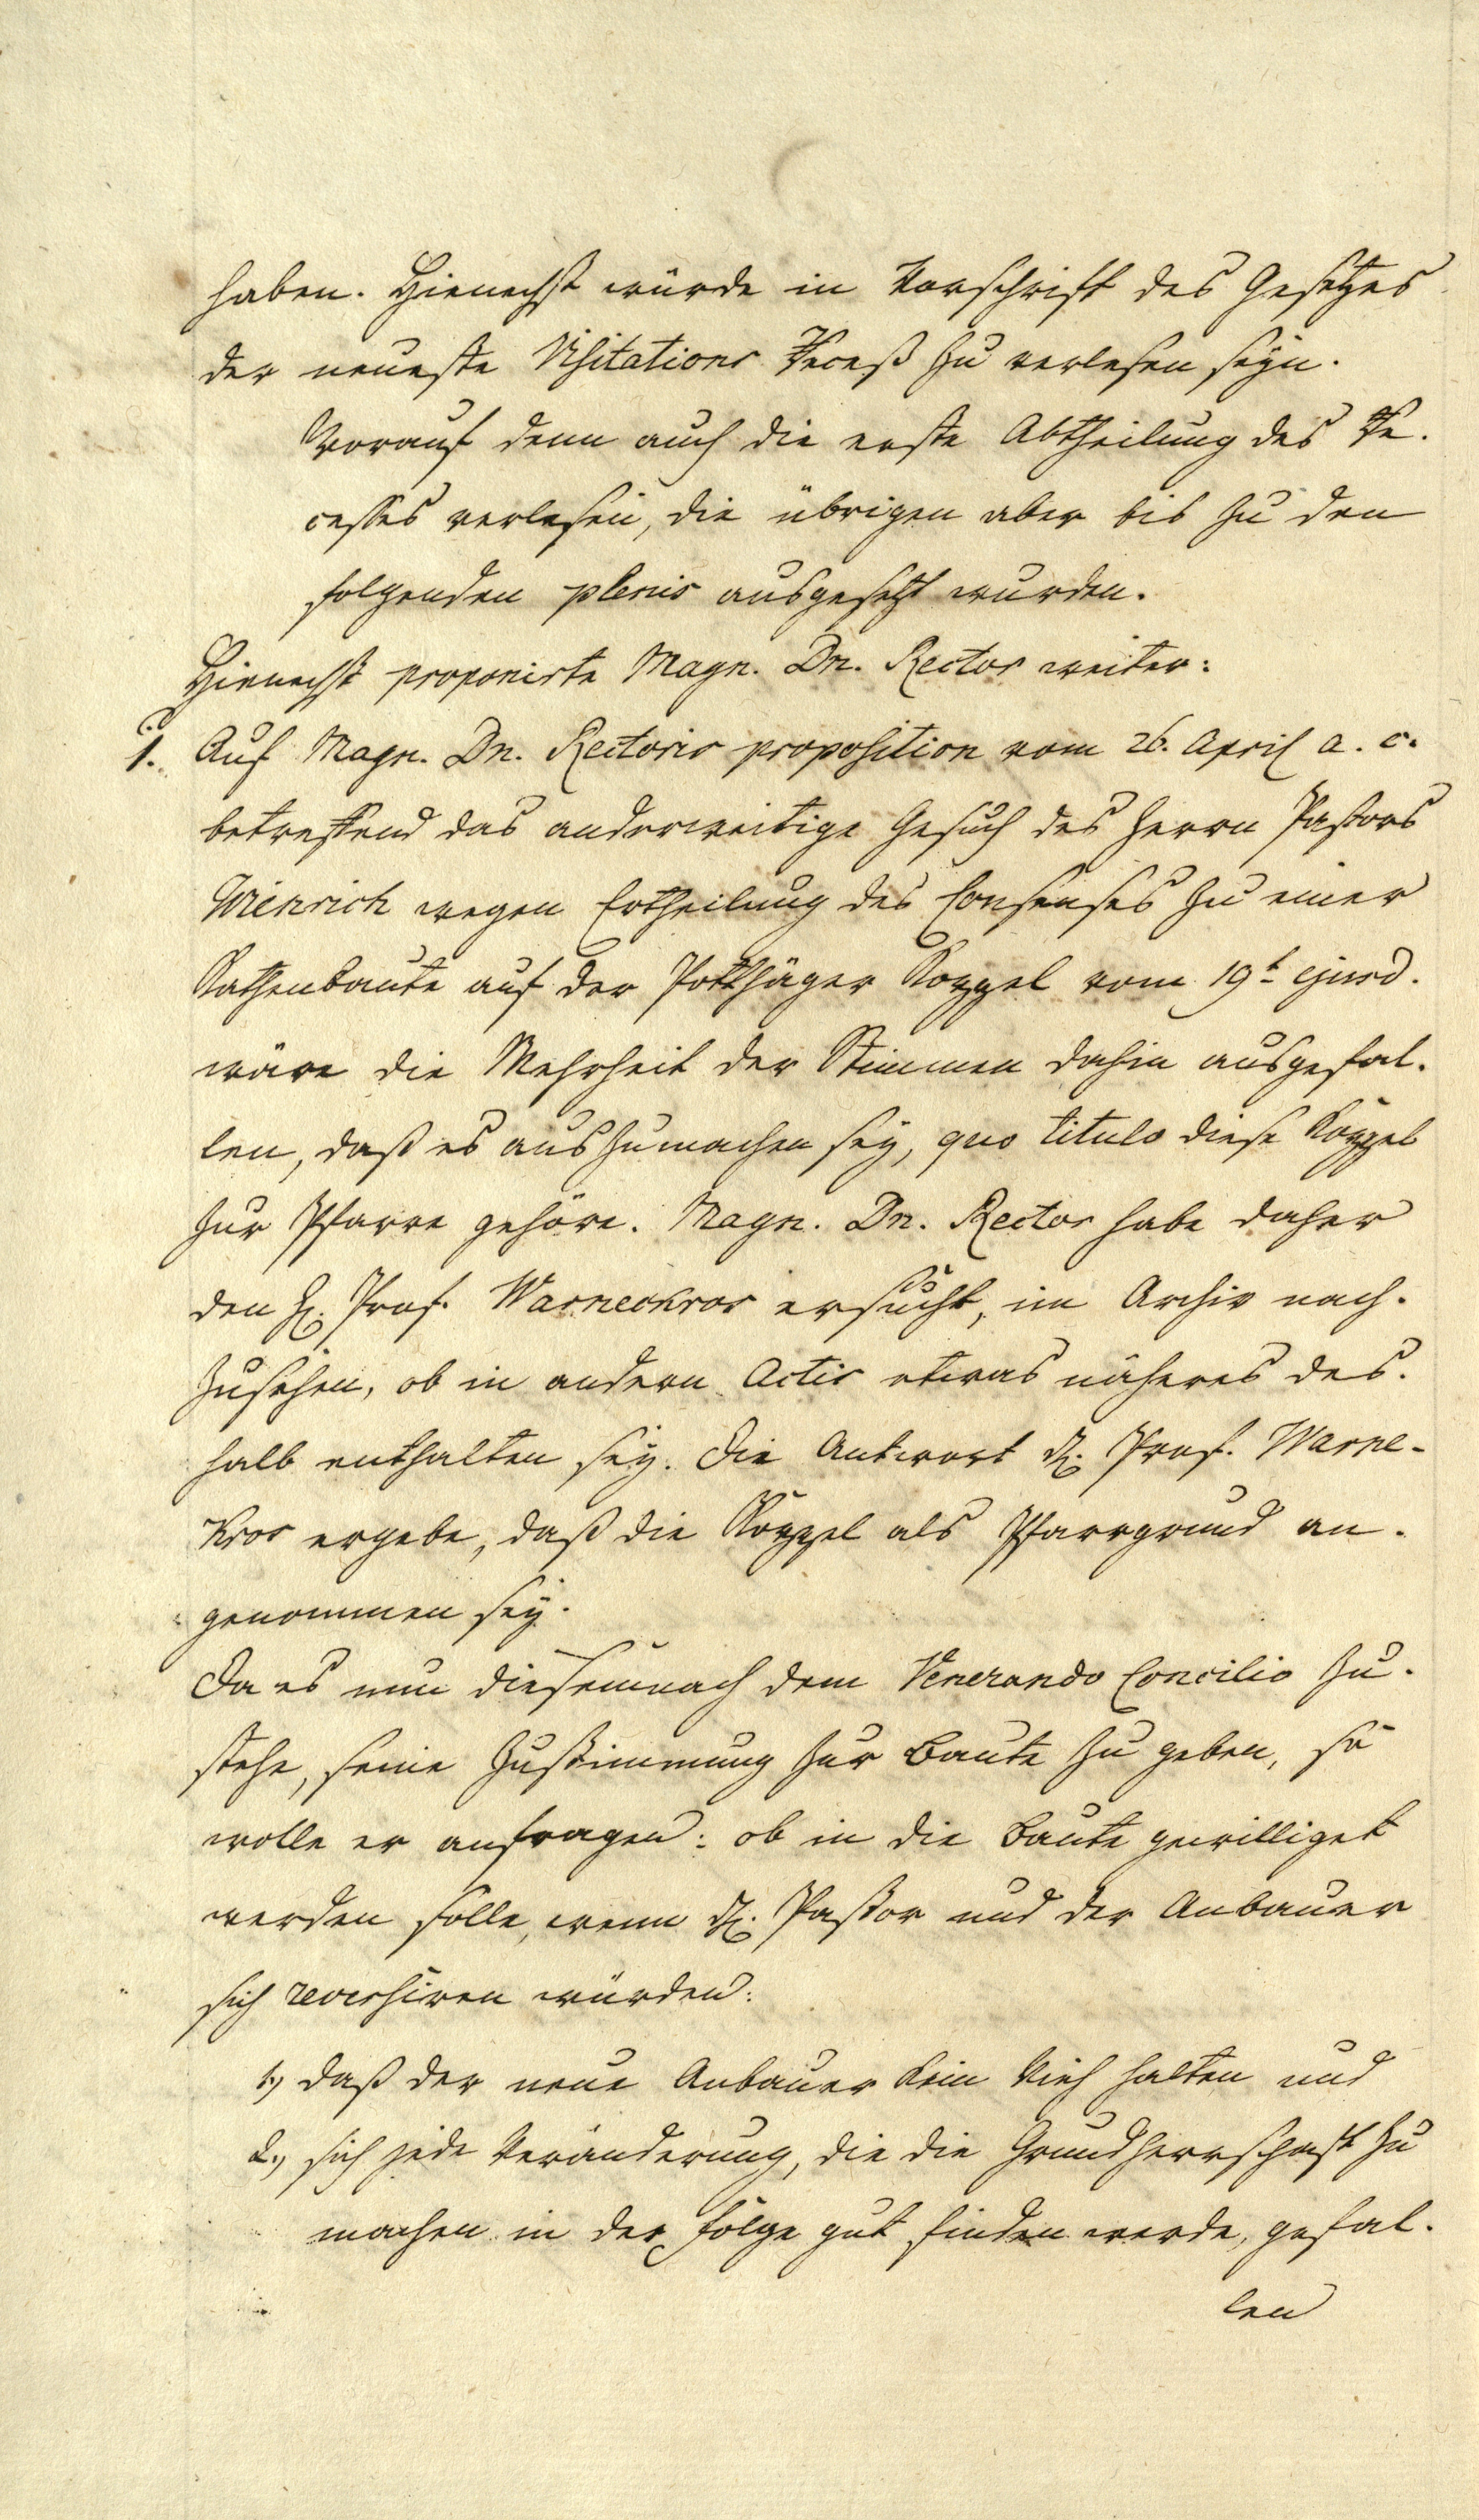haben. Hienechst würde in Vorschrift des Gesetzes
der neueste Visitations Receß zu verlesen seyn.
Worauf denn auch die erste Abtheilung des Re-
cesses verlesen, die übrigen aber bis zu den
folgenden plenis ausgesetzt wurden.
Hienechst proponirte Magn. Dn. Rector weiter:
1. Auf Magn. Dn. Recotris proposition vom 26. April a. c.
betreffend das anderweitige Gesuch des Herrn Pastors
Wenrich wegen Ertheilung des Consenses zu einer
Kathenbaute auf der Potthäger Koppel vom 19t ejusd.
wäre die Mehrheit der Stimmen dahin ausgefal-
len, daß es auszumachen sey, quo titulo diese Koppel
zur Pfarre gehöre. Magn. Dn. Rector habe daher
den H. Prof. Warneckros ersucht, im Archiv nach-
zusehen, ob in andern Actis etwas näheres des-
halb enthalten sey. Die Antwort d. Prof. Warne-
kros ergeben, daß die Koppel als Pfarrgrund an-
genommen sey.
Da es nun diesemnach dem Venerando Concilio zu-
stehe, seine Zustimmung zur Baute zu geben, so
woller er anfragen: ob in die Baute gewilliget
werden solle, wenn dh. Pastor und der Anbauer
sich reversiren würden:
1.) daß der neue Anbauer kein Vieh halten und
2.) sich jede Veränderung, die die Grundherrschaft zu
machen in der Folge gut finden werde gefal-
len